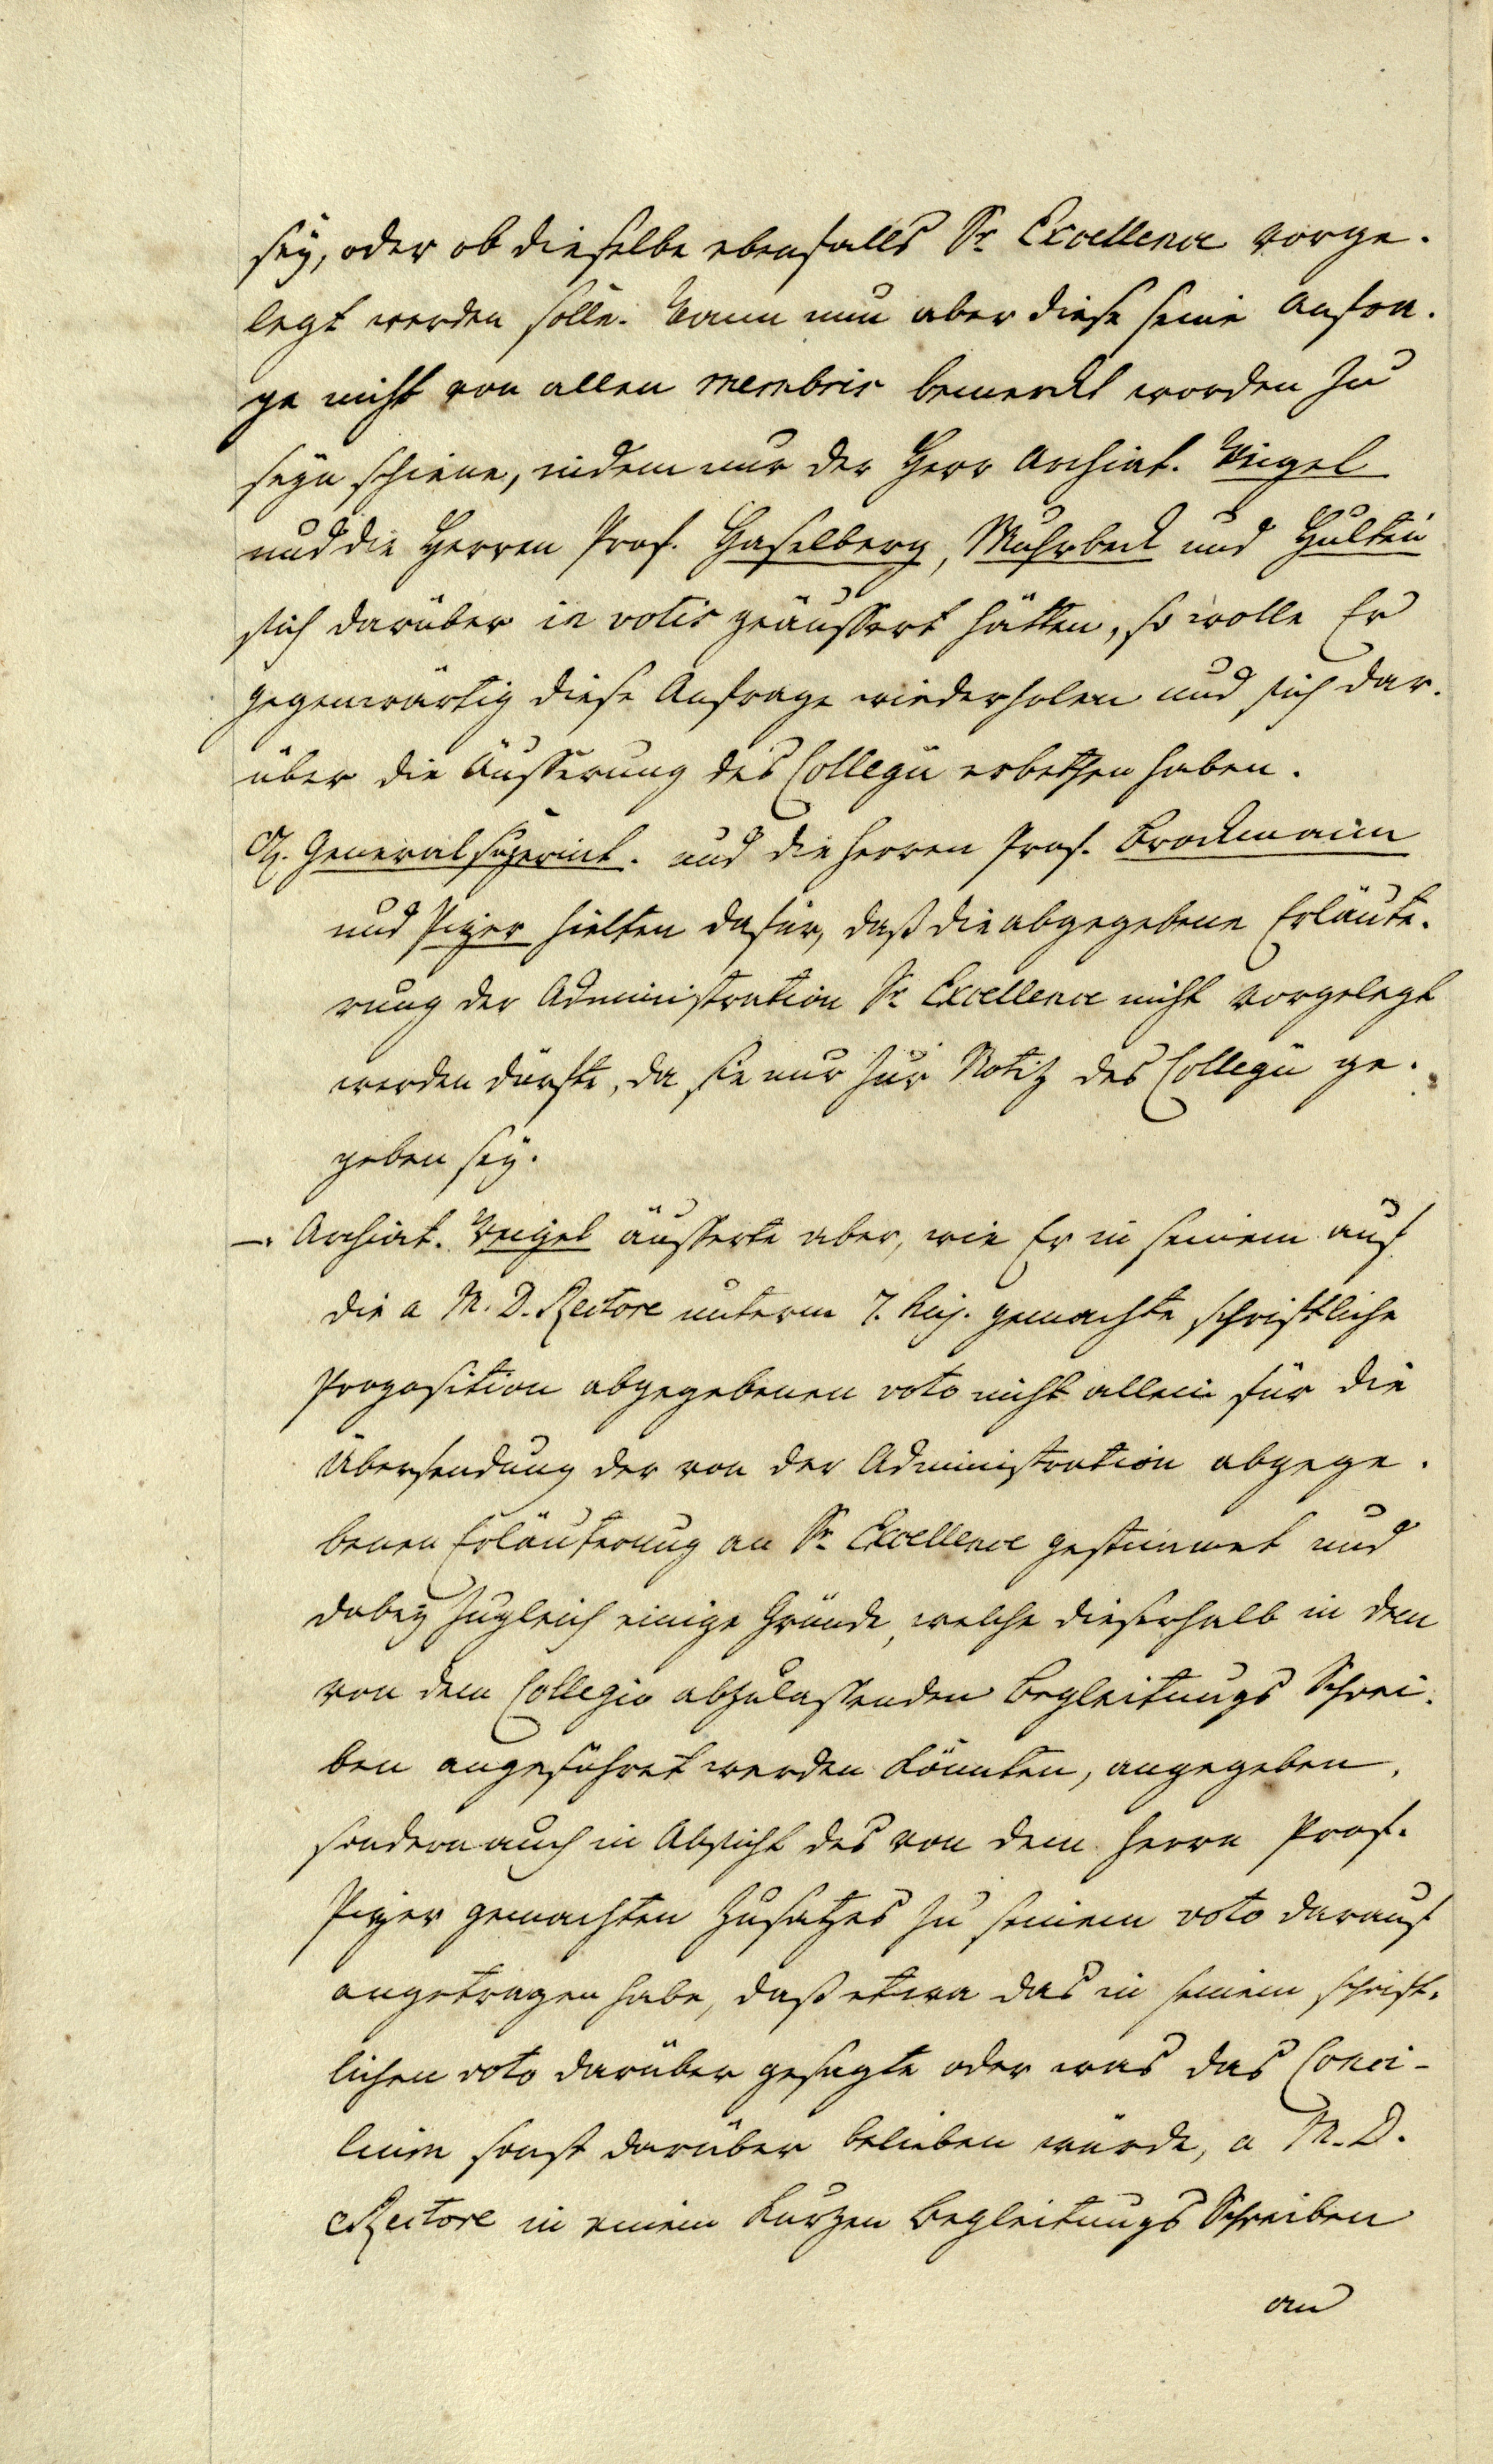seÿ, oder ob dieselbe ebenfalls Sr Excellence vorge¬
legt werden solle. Wann nun aber diese seine Anfra¬
ge nicht von allen membris bemerckt worden zu
seÿn schiene, indem nur der Herr Archiat. Weigel
und die Herren Prof. Haselberg, Muhrbeck und Hultén
sich darüber in votis geäussert hätten, so wolle Er
gegenwärtig diese Anfrage wiederholen und sich dar¬
über die Äusserung des Collegii erbethen haben.
dh. Generalsuperint. und die Herren Prof. Brockmann
und Piper hielten dafür, daß die abgegebene Erläute¬
rung der Administration Sr Excellence nicht vorgelegt
werden dürfte, da sie nur zur Notiz des Collegii ge¬
geben seÿ.
Archiat. Weigel äusserte aber, wie Er in seinem auf
die a M. D. Rectore unterm 7. huj. gemachte schriftliche
Proposition abgegebenen voto nicht allein für die
Übersendung der von der Administration abgege¬
benen Erläuterung an Sr Excellence gestimmet und
dabeÿ zugleich einige Gründe, welche dieserhalb in dem
von dem Collegio abzulassenden Begleitungs Schrei¬
ben angeführet werden könnten, angegeben,
sondern auch in Absicht des von dem Herrn Prof.
Piper gemachten Zusatzes zu seinem voto darauf
angetragen habe, daß etwa das in seinem schrift¬
lichen voto darüber gesagte oder was das Conci¬
lium sonst darüber belieben würde, a M. D.
Rectore in einem kurzen Begleitungs Schreiben
an